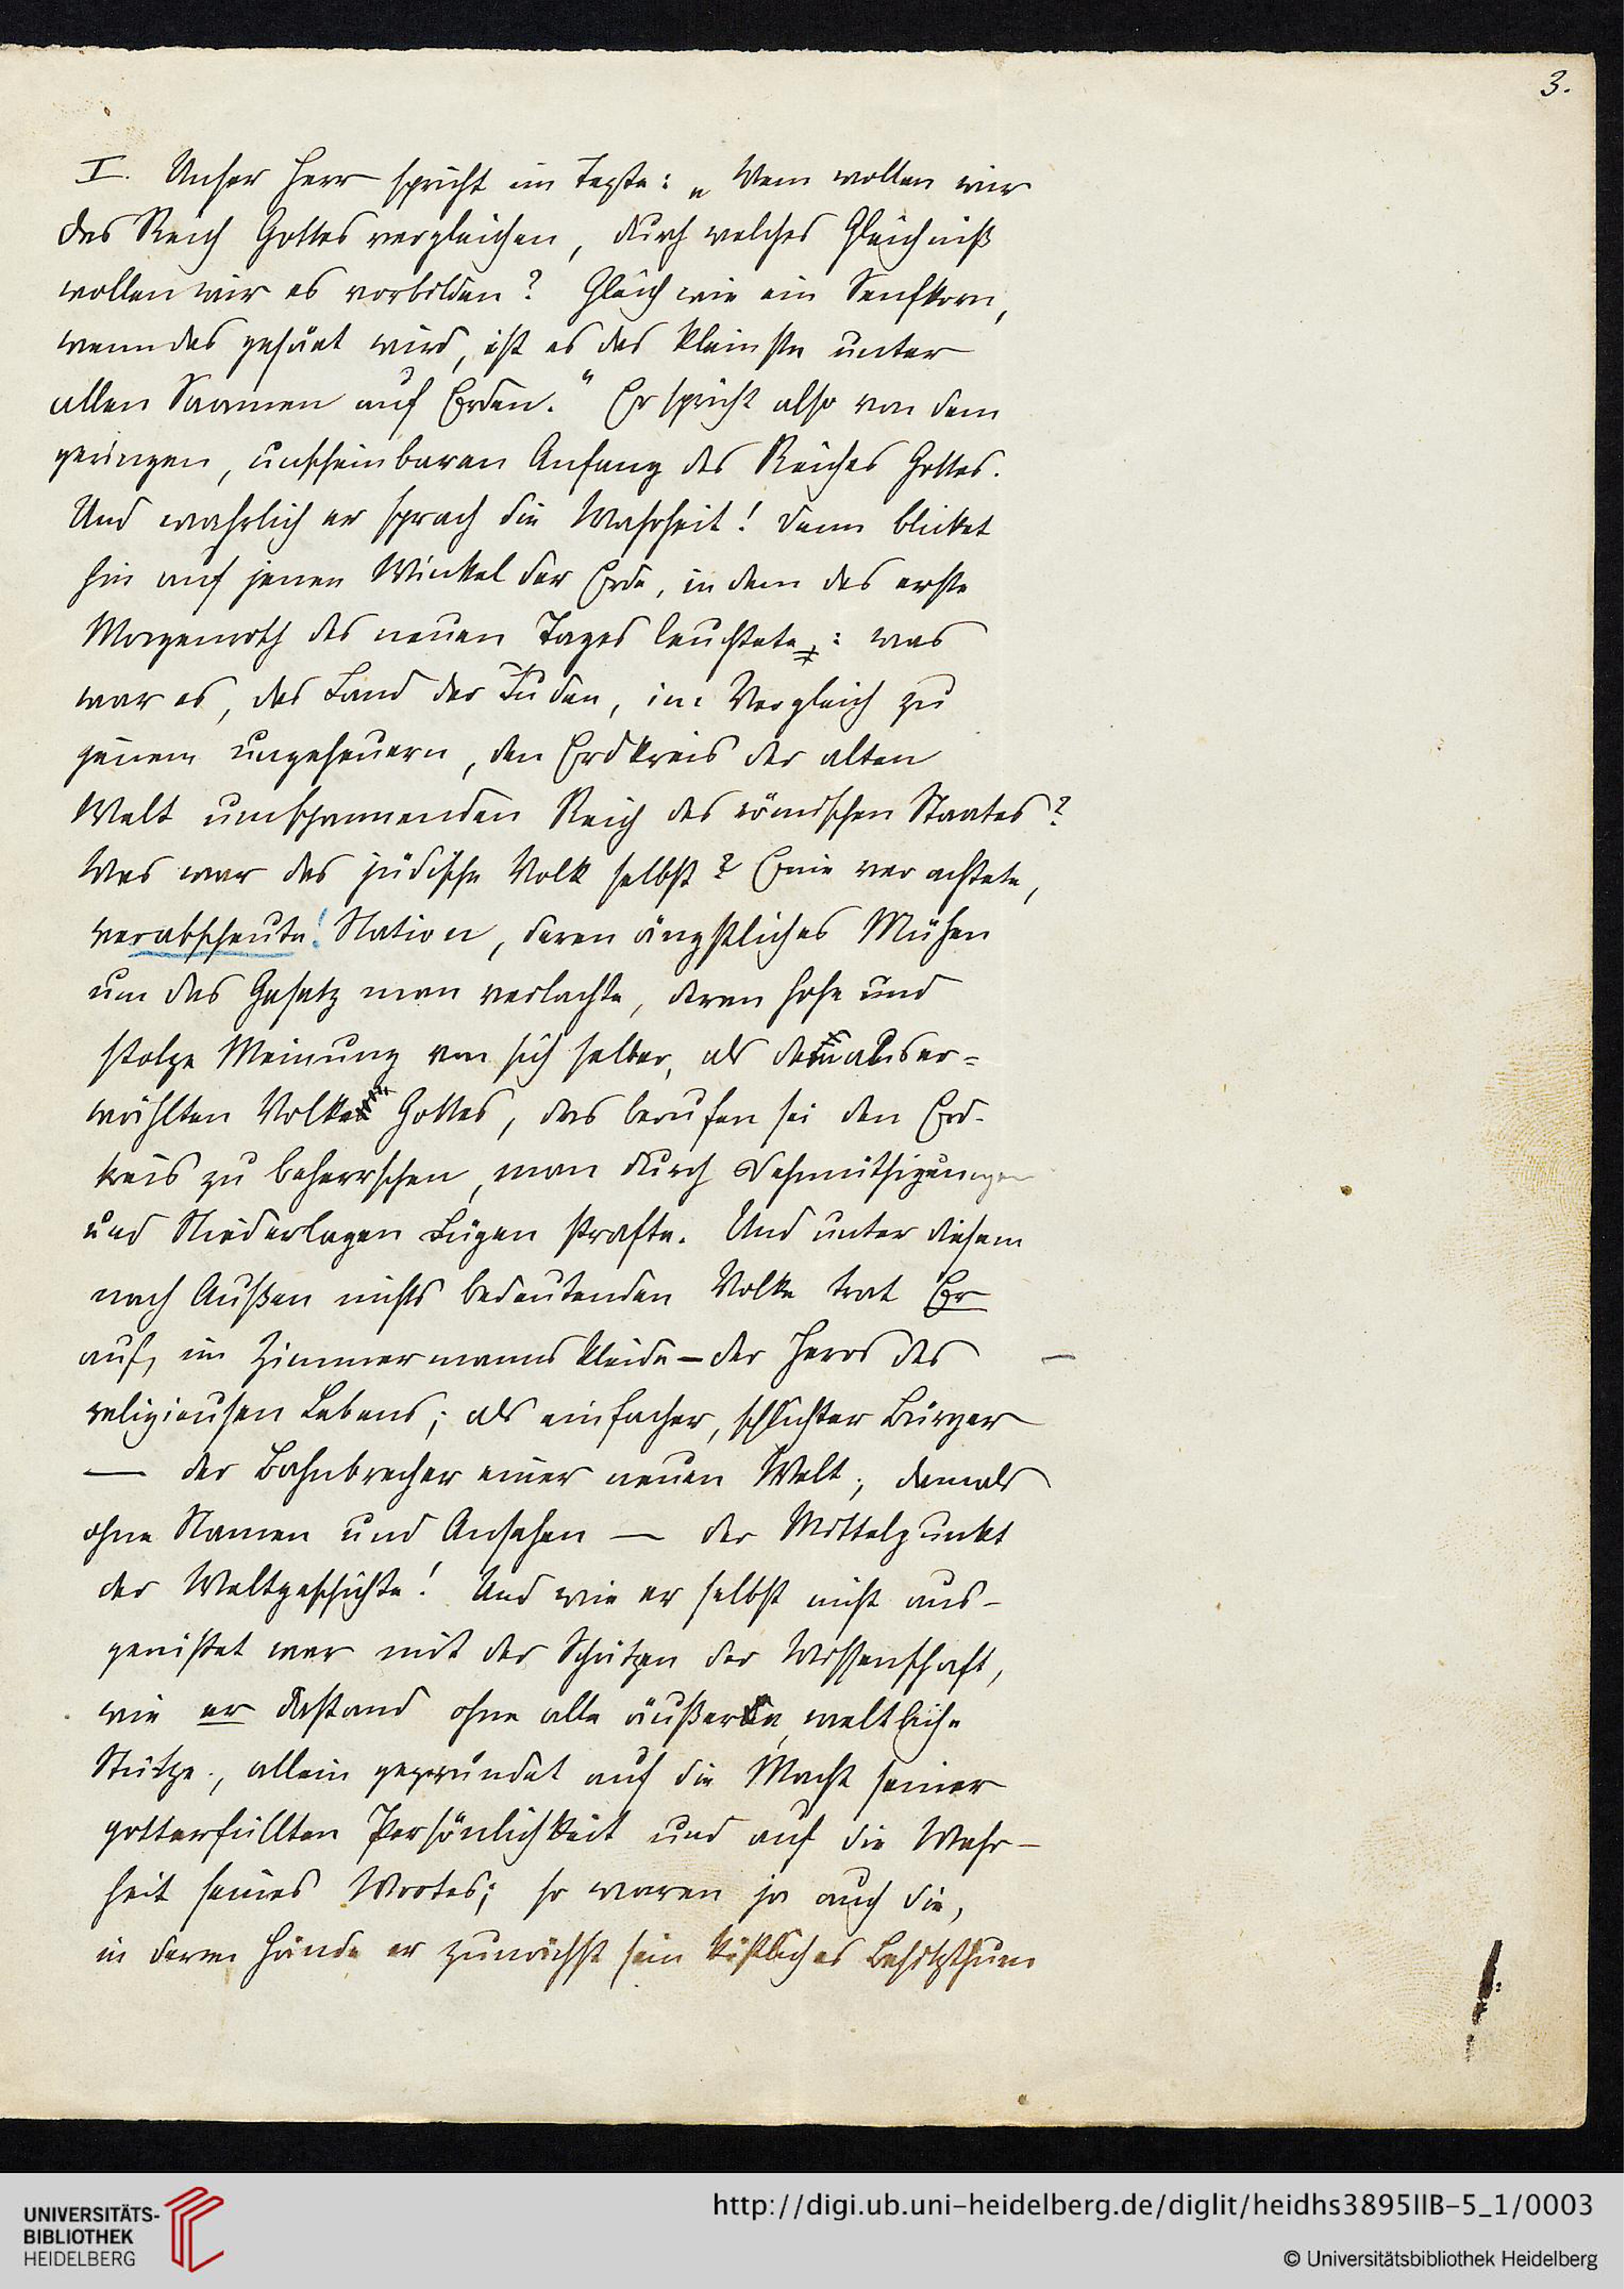I. Unser Herr spricht im Texte: "Wem wollen wir
das Reich Gottes vergleichen, durch welches Gleichniß
wollen wir es vorbilden? Gleich wie ein Senfkorn,
wenn das gesäet wird, ist es das kleinste unter
allen Samen auf Erden." Er spricht also von dem
geringen, unscheinbaren Anfang des Reiches Gottes.
Und wahrlich er sprach die Wahrheit! Denn blicket
hin auf jenen Winkel der Erde, in dem das erste
Morgenroth des neuen Tages leuchtete,: was
war es, das Land der Juden, im Vergleich zu
jenem ungeheuern, den Erdkreis der alten
Welt umspannenden Reich des römischen Staates?
Was war das jüdische Volk selbst? Eine verachtete,
verabscheute! Nation, deren ängstliches Mühen
um das Gesetz man verlachte, deren hohe und
stolze Meinung von sich selber, als desm auser¬
wählten Volkes Gottes, das berufen sei den Erd¬
kreis zu beherrschen, man durch Dehmüthigungen
und Niederlagen Lügen stragte. Und unter diesem
nach Außen nichts bedeutenden Volk trat Er
auf, im Zimmermannskleide _ der Herr des
religieusen Lebens; als einfacher, schlichter Bürger
_ der Bahnbrecher einer neuen Welt, damals
ohne Namen und Ansehen _ der Mittelpunkt
der Weltgeschichte! Und wie er selbst nicht aus¬
gerüstet war mit den Schätzen der Wissenschaft,
wie er dastand ohne alte äußere weltliche
Stütze, allein gegründet auf die Macht seiner
gotterfüllten Persönlichkeit und auf die Wahr¬
heit seines Wortes; so waren ja auch die,
in deren Hände er zunächst sein köstliches Besitzthum